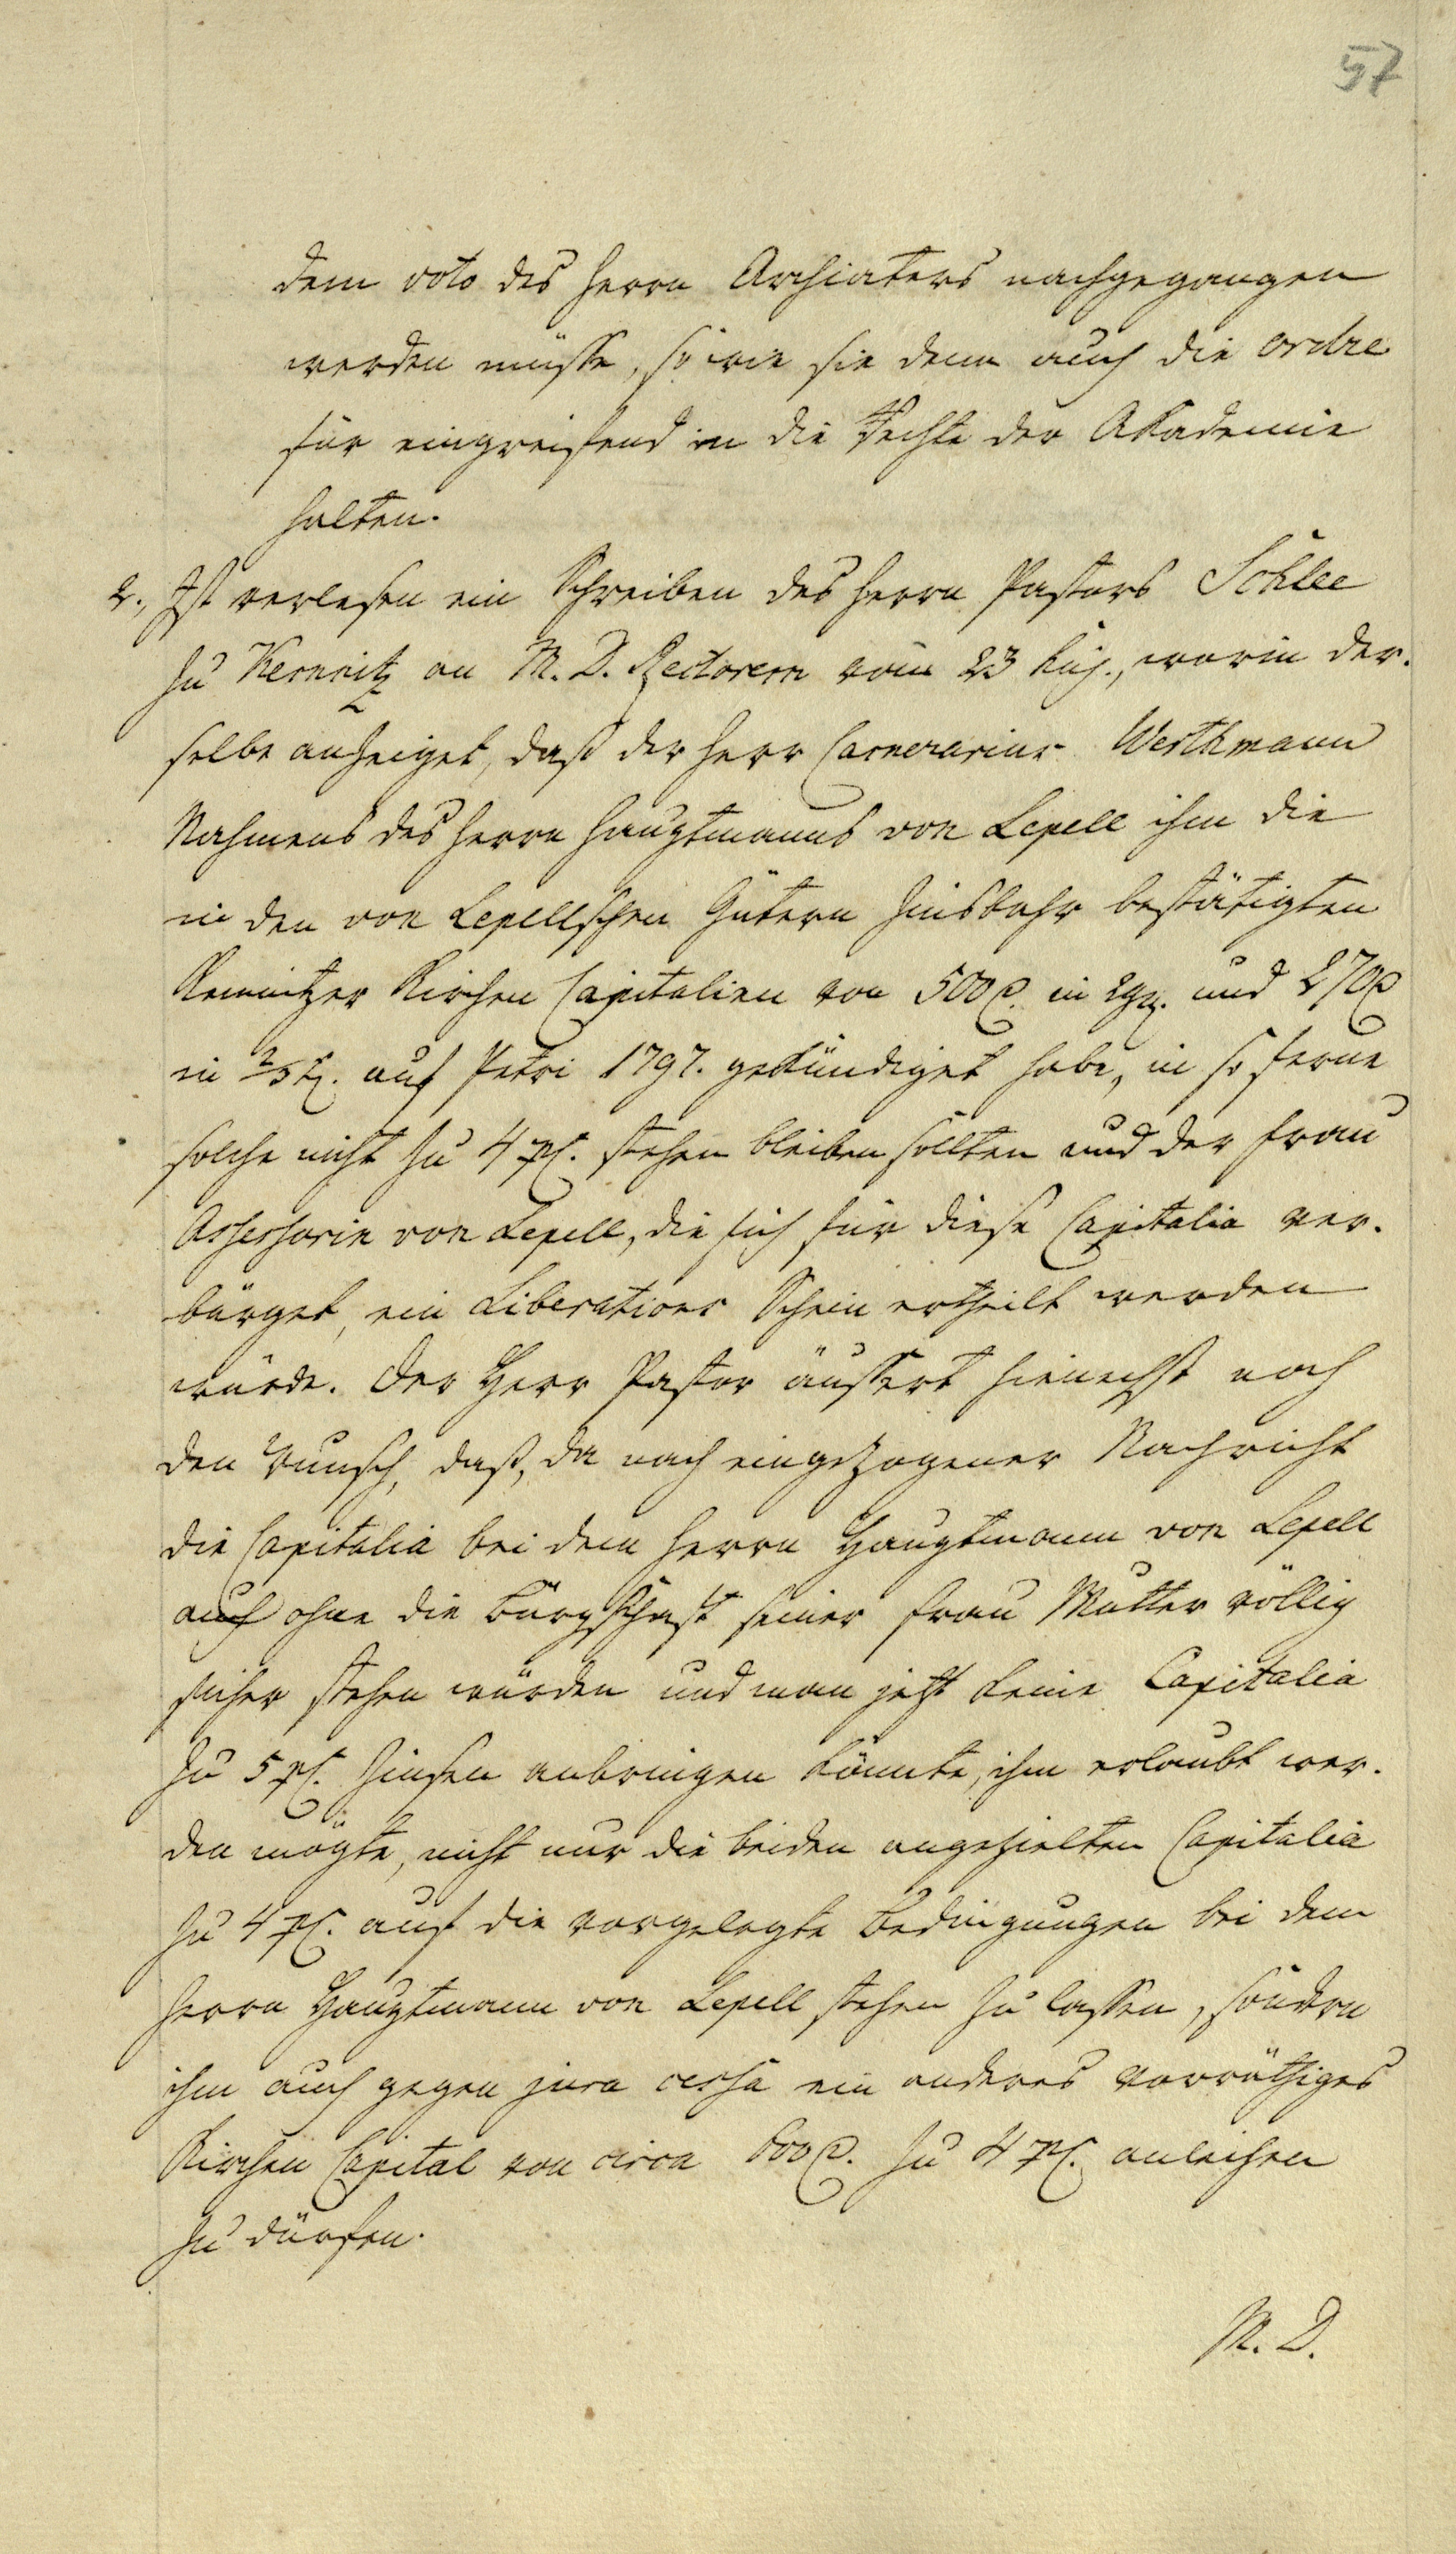dem voto des Herrn Archiaters nachgegangen
werden müsse, so wie sie denn auch die Ordre
für eingreifend in die Rechte der Akademie
halten.
2., Ist verlesen ein Schreiben des Herrn Pastors Schlee
zu Kemnitz an M. D. Rectorem vom 23 huj., worin der¬
selbe anzeiget, daß der Herr Camerarius Werthmann
Nahmens des Herrn Hauptmanns von Lepell ihm die
in den von Lepellschen Gütern zinsbahr bestätigten
Kemnitzer Kirchen Capitalien von 500 l. in 2g. und 270 l
in 2/3 t. auf Petri 1797. gekündiget habe, in so ferne
solche nicht zu 4 pt. stehen bleiben sollten und der Frau
Assessorin von Lepell, die sich für diese Capitalia ver¬
bürget, ein Liberations Schein ertheilt werden
würde. Der Herr Pastor äussert hienechst noch
den Wunsch, daß, da nach eingezogener Nachricht
die Capitalia bei dem Herrn Hauptmann von Lepell
auch ohne die Bürgschaft seiner Frau Mutter völlig
sicher stehen würden und man jetzt keine Capitalia
zu 5 pl. Zinsen anbringen könnte, ihm erlaubt wer¬
den mögte, nicht nur die beiden angezielten Capitalia
zu 4 pl. auf die vorgelegte Bedingungen bei dem
Herrn Hauptmann von Lepell stehen zu lassen, sondern
ihm auch gegen jura cessa ein anderes vorräthiges
Kirchen Capital von circa 600 l. zu 4 pl., anleihen
zu dürfen.
M. D.